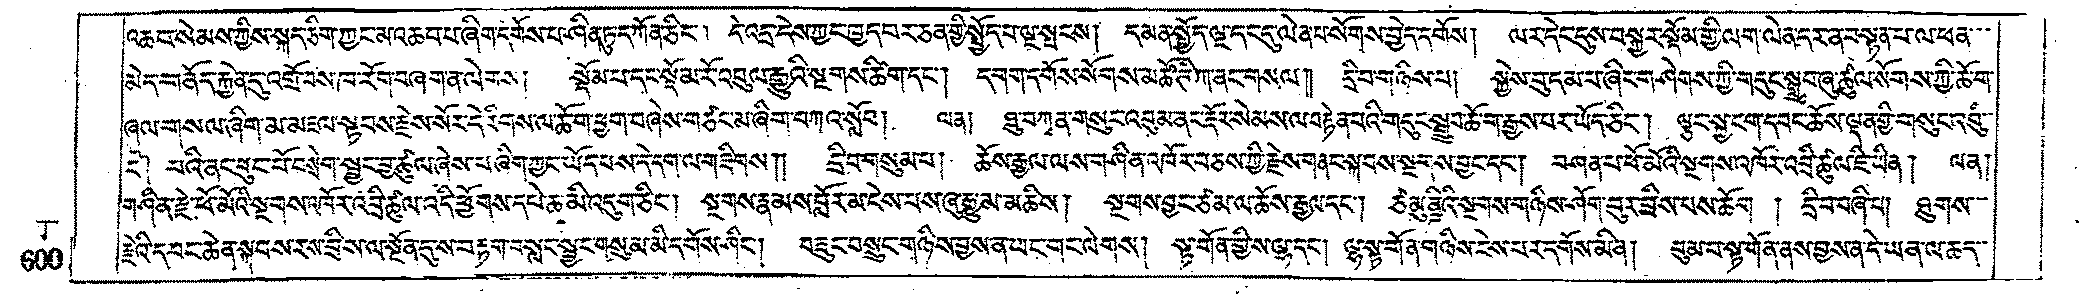འཆབ་སེམས་ཀྱིས་སྐད་ཅིག་ཀྱང་མ་འཆབ་པ་ཞིག་དགོས་པ་ཤིན་ཏུ་དཀོན་ཅིང་། དེ་འདྲ་དེས་ཀྱང་ཁྱད་པར་ཅན་གྱི་སྤྱོད་པ་ལྔ་སྤངས། དམན་སྤྱོད་ལྔ་དང་དུ་ལེན་པ་སོགས་བྱེད་དགོས། ལར་དེང་དུས་བསྐྱར་སྡོམ་གྱི་ལག་ལེན་དར་ན་བསྟན་པ་ལ་ཕན་་་
མེད་གནོད་རྐྱེན་དུ་འགྲོ་བས་ཁ་རོག་བཞག་ན་ལེགས། སྡོམ་པ་དང་སྡོམ་རོ་འབུལ་རྒྱུའི་སྔགས་ཚིག་དང་། དགག་དགོས་སོགས་མཚོ་ཊི་ཀ་ནང་གསལ།། དྲི་བ་གཉིས་པ། སྐྱེས་བུ་དམ་པ་ཞིང་གཤེགས་ཀྱི་གདུང་སྒྲུབ་ཞུ་ཚུལ་སོགས་ཀྱི་ཆོ་ག་
ཞལ་གསལ་ཞིག་མ་མཇལ་སྟབས་རྗེས་སོར་དེ་རིགས་ལ་ཆོ་ག་ཕྱག་བཞེས་གཙང་མ་ཞིག་བཀའ་སློབ། ལན། ཐུ་བཀྭན་གསུང་འབུམ་ནང་རྡོར་སེམས་ལ་བརྟེན་པའི་གདུང་སྒྲུབ་ཆོ་ག་རྒྱས་པར་ཡོད་ཅིང་། ལྕང་སྐྱ་ངག་དབང་ཆོས་ལྡན་གྱི་གསུང་འབུཾ་་་
ང་པའི་ནང་ཕུང་པོ་བསྲེག་སྦྱང་བྱ་ཚུལ་ཞེས་པ་ཞིག་ཀྱང་ཡོད་པས་དེ་དག་ལ་གཟིགས།། དྲི་བ་གསུམ་པ། ཆོས་རྒྱལ་ལས་གཤིན་འཁོར་བཅས་ཀྱི་རྗེས་གནང་སྐབས་སྔགས་བྱང་དང་། བཤན་པ་ཕོ་མོའི་སྔགས་འཁོར་འབྲི་ཚུལ་ཇི་ཡིན། ལན།
གཤིན་རྗེ་ཕོ་མོའི་སྔགས་འཁོར་འབྲི་ཚུལ་འདི་ཕྱོགས་དཔེ་ཆ་མི་འདུག་ཅིང་། སྔགས་རྣམས་བློར་མ་ངེས་པས་ཞུ་རྒྱུ་མ་མཆིས། སྔགས་བྱང་ཙམ་ལ་ཆོས་རྒྱལ་དང་། ཙམུནྜིའི་སྔགས་གཉིས་ཤོག་བུར་བྲིས་པས་ཆོག །དྲི་བ་བཞི་པ། ཐུགས་་་
རྗེའི་དབང་ཆེན་སྐབས་རས་བྲིས་ལ་སྔོན་དུ་ས་བརྟག་བསླང་སྦྱང་གསུམ་མི་དགོས་ཤིང་། བཟུང་བསྲུང་གཉིས་བྱས་ན་ཡང་གང་ལེགས། སྟ་གོན་གྱི་ས་ལྷ་དང་། ལྷ་སྟ་གོན་གཉིས་ངེས་པར་དགོས་མིན། བུམ་པ་སྟ་གོན་ནས་བྱས་ན་དེ་ཡན་ལ་ཆད་་་